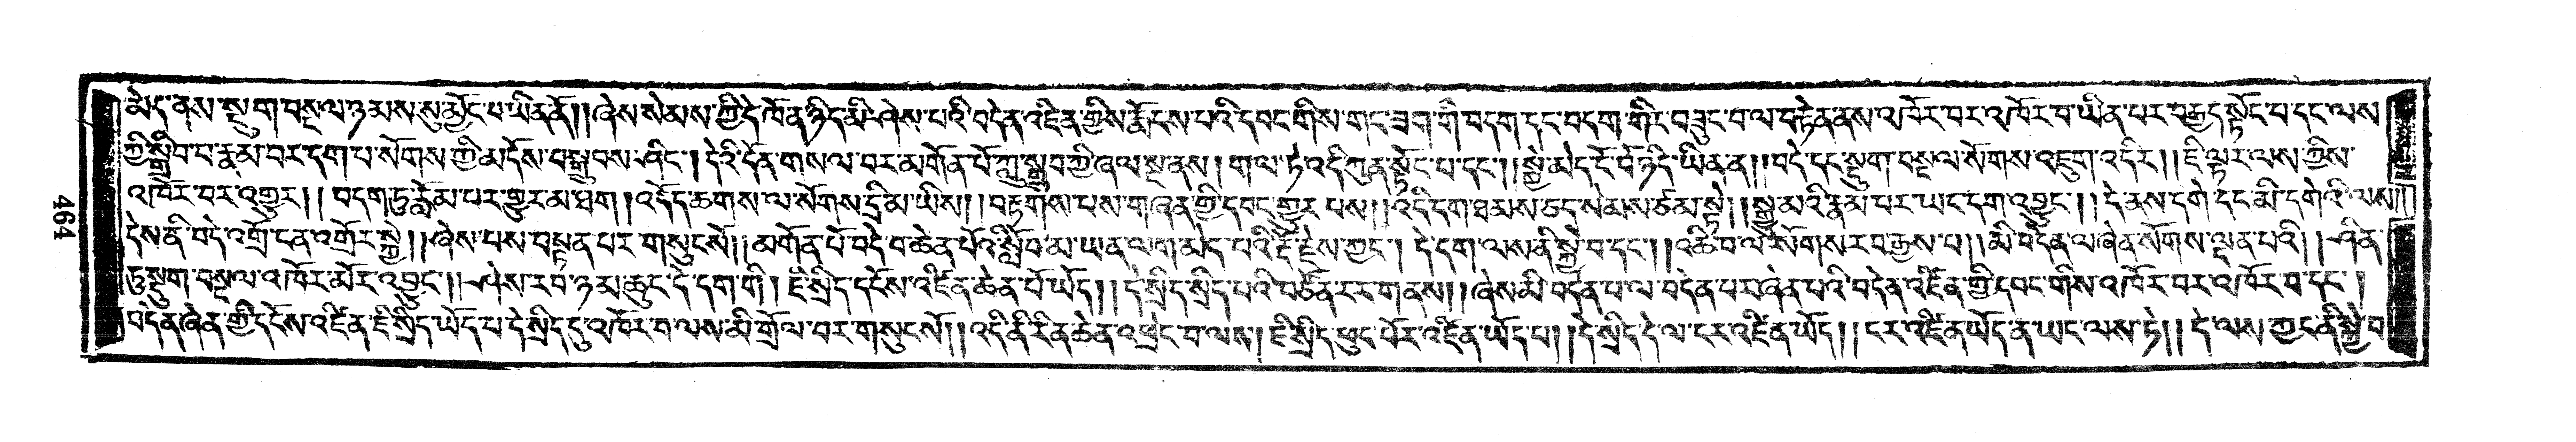མེད་ནས་སྡུག་བསྔལ་ཉམས་སུ་མྱོང་བ་ཡིན་ནོ། །ཞེས་སེམས་ཀྱི་དེ་ཁོ་ན་ཉིད་མི་ཤེས་པའི་བདེན་འཛིན་གྱིས་རྨོངས་པའི་དབང་གིས་གང་ཟག་གི་བདག་དང་བདག་གིར་བཟུང་བ་ལ་བརྟེན་ནས་འཁོར་བར་འཁོར་བ་ཡིན་པར་བརྒྱད་སྟོང་པ་དང་ལས་
ཀྱི་སྒྲིབ་པ་རྣམ་པར་དག་པ་སོགས་ཀྱི་མདོས་བསྒྲུབས་ཤིང་། དེའི་དོན་གསལ་བར་མགོན་པོ་ཀླུ་སྒྲུབ་ཀྱི་ཞལ་སྔ་ནས། གལ་ཏེ་འདི་ཀུན་སྟོང་པ་དང་། །སྐྱེ་མེད་ངོ་བོ་ཉིད་ཡིན་ན། །བདེ་དང་སྡུག་བསྔལ་སོགས་འཇུག་འདིར། །ཇི་ལྟར་ལས་ཀྱིས་
འཁོར་བར་འགྱུར། །བདག་ཏུ་རློམ་པར་གྱུར་མ་ཐག །འདོད་ཆགས་ལ་སོགས་དྲི་མ་ཡིས། །བརྟགས་པས་གཞན་གྱི་དབང་གྱུར་པས། །འདི་དག་ཐམས་ཅད་སེམས་ཙམ་སྟེ། །སྒྱུ་མའི་རྣམ་པར་ཡང་དག་འབྱུང་། །དེ་ནས་དགེ་དང་མི་དགེའི་ལས་
དེས་ནི་བདེ་འགྲོ་ངན་འགྲོར་སྐྱེ། །ཞེས་པས་བསྟན་པར་གསུངས་སོ། །མགོན་པོ་བདེ་བ་ཆེན་པོའི་སློབ་མ་ཡན་ལག་མེད་པའི་རྡོ་རྗེས་ཀྱང་། དེ་དག་ལས་ནི་སྐྱེ་བ་དང་། །འཆི་བ་ལ་སོགས་རབ་རྒྱས་པ། །མི་བདེན་ལ་ཞེན་སོགས་ལྡན་པའི། །ཤིན་
ཏུ་སྡུག་བསྔལ་འཁོར་མོར་འབྱུང་། །ཤེས་རབ་ཉམ་ཆུང་དེ་དག་གི །ཇི་སྲིད་དངོས་འཛིན་ཆེན་པོ་ཡོད། །དེ་སྲིད་སྲིད་པའི་གཙོན་རར་གནས། །ཞེས་མི་བདེན་པ་ལ་བདེན་པར་ཞེན་པའི་བདེན་འཛིན་གྱི་དབང་གིས་འཁོར་བར་འཁོར་བ་དང་།
བདེན་ཞེན་གྱི་དངོས་འཛིན་ཇི་སྲིད་ཡོད་པ་དེ་སྲིད་དུ་འཁོར་བ་ལས་མི་གྲོལ་བར་གསུངས་སོ། །འདི་ནི་རིན་ཆེན་འཕྲེང་བ་ལས། ཇི་སྲིད་ཕུང་པོར་འཛིན་ཡོད་པ། །དེ་སྲིད་དེ་ལ་ངར་འཛིན་ཡོད། །ངར་འཛིན་ཡོད་ན་ཡང་ལས་ཏེ། དེ་ལས་ཀྱང་ནི་སྐྱེ་བ་